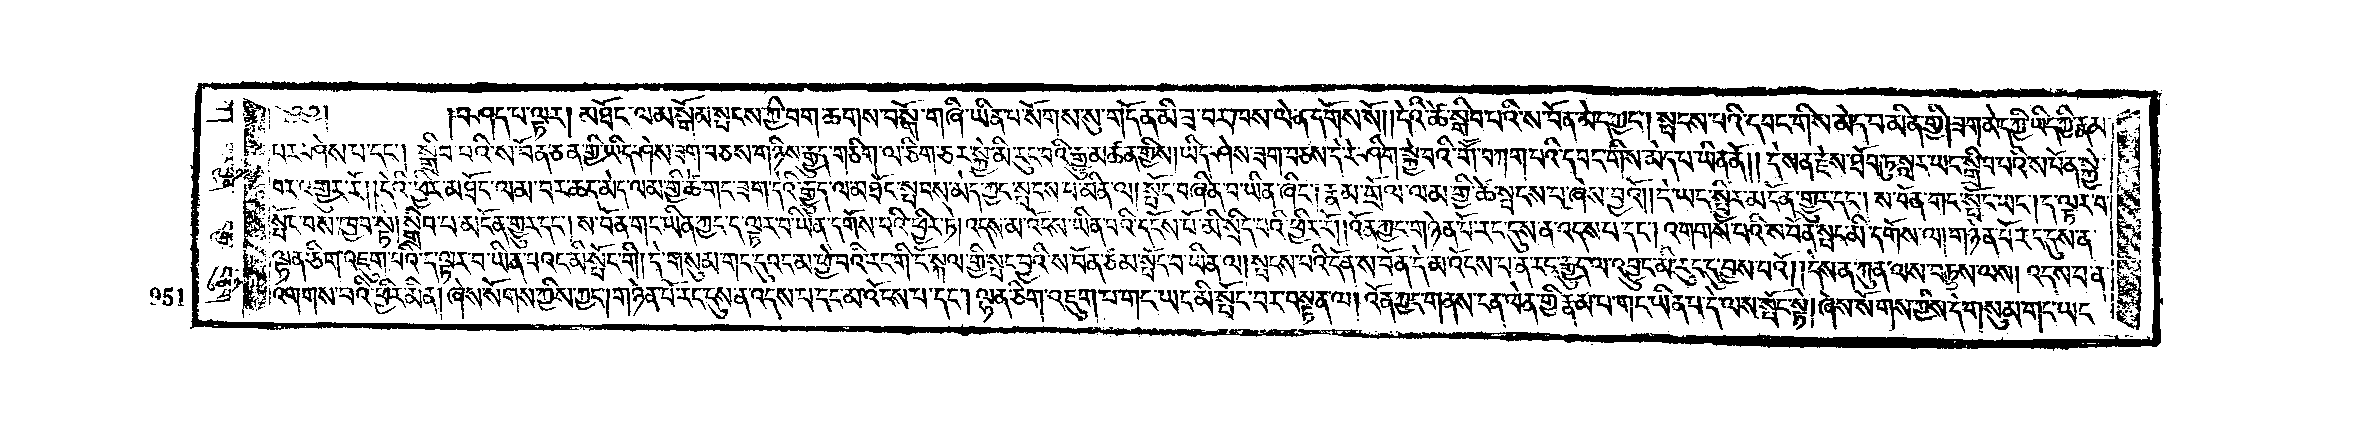༄༅། །བཤད་པ་ལྟར། མཐོང་ལམ་སྒོམ་སྤངས་ཀྱི་བག་ཆགས་བསྒོ་གཞི་ཡིན་པ་སོགས་སུ་གདོན་མི་ཟ་བར་ཁས་ལེན་དགོས་སོ། །དེའི་ཚེ་སྒྲིབ་པའི་ས་བོན་མེད་ཀྱང་། སྤངས་པའི་དབང་གིས་མེད་པ་མིན་གྱི། ཟག་མེད་ཀྱི་ཡིད་ཀྱི་རྣམ་
པར་ཤེས་པ་དང་། སྒྲིབ་པའི་ས་བོན་ཅན་གྱི་ཡིད་ཤེས་ཟག་བཅས་གཉིས་རྒྱུད་གཅིག་ལ་ཅིག་ཅར་སྐྱེ་མི་རུང་བའི་རྒྱུ་མཚན་གྱིས། ཡིད་ཤེས་ཟག་བཅས་དེ་རེ་ཤིག་སྐྱེ་བའི་གོ྾་བཀག་པའི་དབང་གིས་མེད་པ་ཡིན་ནོ། །དེས་ན་རྗེས་ཐོབ་ཏུ་སླར་ཡང་སྒྲིབ་པའི་ས་བོན་སྐྱེ་
པར་འགྱུར་རོ། །དེའི་ཕྱིར་མཐོང་ལམ་བར་ཆད་མེད་ལམ་གྱི་ཚེ་གང་ཟག་དེའི་རྒྱུད་ལ་མཐོང་སྤངས་མེད་ཀྱང་སྤངས་པ་མིན་ལ། སྤོང་བཞིན་པ་ཡིན་ཞིང་། རྣམ་གྲོལ་ལམ་གྱི་ཚེ་སྤངས་པ་ཞེས་བྱའོ། །དེ་ཡང་སྤྱིར་མངོན་གྱུར་དང་། ས་བོན་གང་སྤོང་ཡང་། ད་ལྟར་བ་
སྤོང་བས་ཁྱབ་སྟེ། སྒྲིབ་པ་མངོན་གྱུར་དང་། ས་བོན་གང་ཡིན་ཀྱང་ད་ལྟར་བ་ཡིན་དགོས་པའི་ཕྱིར་ཏེ། འདས་མ་འོངས་ཡིན་པའི་དངོས་པོ་མི་སྲིད་པའི་ཕྱིར་རོ། །འོན་ཀྱང་གཉེན་པོ་རང་དུས་ན་འདས་པ་དང་། འགགས་པའི་ས་བོན་སྤང་མི་དགོས་ལ། གཉེན་པོ་རང་དུས་ན་
ལྷན་ཅིག་འཇུག་པའི་ད་ལྟར་བ་ཡིན་པའང་མི་སྤོང་གི །དེ་གསུམ་གང་དུའང་མ་ཕྱེ་བའི་རང་གི་ངོ་སྐལ་གྱི་སྤང་བྱའི་ས་བོན་ཙམ་སྤོང་བ་ཡིན་ལ། སྤངས་བའི་དོན་ས་བོན་དེ་མ་འོངས་པ་ན་རང་རྒྱུད་ལ་འབྱུང་མི་རུང་དུ་བྱས་པའོ། །དེས་ན་ཀུན་ལས་བཏུས་ལས། འདས་པ་ན་
འགགས་པའི་ཕྱིར་མིན། ཞེས་སོགས་ཀྱིས་ཀྱང་། གཉེན་པོ་རང་དུས་ན་འདས་པ་དང་མ་འོངས་པ་དང་། ལྷན་ཅིག་འཇུག་པ་གང་ཡང་མི་སྤོང་བར་བསྟན་ལ། འོན་ཀྱང་གནས་ངན་ལེན་གྱི་རྣམ་པ་གང་ཡིན་པ་དེ་ལས་སྤོང་སྟེ། ཞེས་སོགས་ཀྱིས་དེ་གསུམ་གང་ཡང་